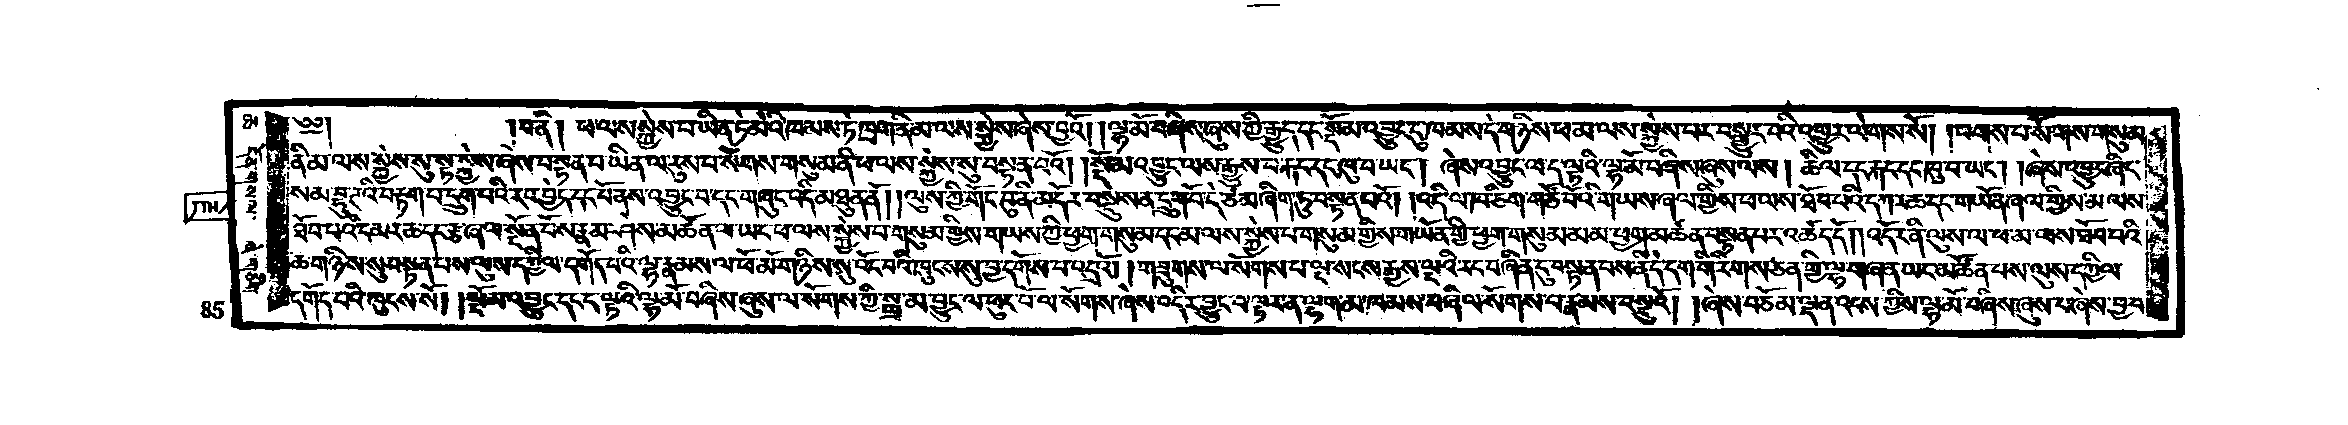༄༅། །བ་ནི། ཕ་ལས་སྐྱེས་པ་ཡིན་ཏེ་མེའི་ཁམས་ཏེ་ཁྲག་ནི་མ་ལས་སྐྱེས་ཞེས་བྱའོ། །ལྷ་མོ་བཞིས་ཞུས་ཀྱི་རྒྱུད་དང་སྡོམ་འབྱུང་དུ་ཁམས་དེ་གཉིས་ཕ་མ་ལས་སྐྱེས་པར་བསྒྱུར་བའི་འགྱུར་ལེགས་སོ། །ཕགས་པ་སོགས་གསུམ་
ནི་མ་ལས་སྐྱེས་སུ་སྟེ་སྐྱེས་ཞེས་བསྟན་པ་ཡིན་ལ་རུས་པ་སོགས་གསུམ་ནི་ཕ་ལས་སྐྱེས་སུ་བསྟན་པའོ། །སྡོམ་འབྱུང་ལས་རྒྱུས་པ་རྐང་དང་ཁུ་བ་ཡང་། ཞེས་འབྱུང་ལ་ད་ལྟའི་ལྷ་མོ་བཞིས་ཞུས་ལས། ཚིལ་དང་རྐང་དང་ཁུ་བ་ཡང་། །ཞེས་འབྱུང་ཞིང་
སམ་བྷུ་ཊའི་བརྟག་པ་དྲུག་པའི་རབ་བྱེད་དང་པོ་ནས་འབྱུང་བ་དང་གཞུང་འདི་མཐུན་ནོ། །ལུས་ཀྱི་གོང་བུ་ནི་མདོར་བསྡུས་ན་དྲུག་པོ་དེ་ཙམ་ཞིག་ཏུ་བསྟན་པའོ། །འདི་ལ་ཁ་ཅིག་གཙོ་བོའི་གཡས་ཞལ་གྱིས་ཕ་ལས་ཐོབ་པའི་དཀར་ཆ་དང་གཡོན་ཞལ་གྱིས་མ་ལས་
ཐོབ་པའི་དམར་ཆ་དང་རྩ་ཞལ་སྔོན་པོས་རྣམ་ཤེས་མཚོན་ལ་ཡང་ཕ་ལས་སྐྱེས་པ་གསུམ་གྱིས་གཡས་ཀྱི་ཕྱག་གསུམ་དང་མ་ལས་སྐྱེས་པ་གསུམ་གྱིས་གཡོན་གྱི་ཕྱག་གསུམ་མམ་ཕྱག་མཚན་བསྟན་པར་འཆད་དོ། །འདིར་ནི་ལུས་ལ་ཕ་མ་ལས་ཐོབ་པའི་
ཆ་གཉིས་སུ་བསྟན་པས་ལུས་དཀྱིལ་དགོད་པའི་ལྷ་རྣམས་ལ་ཕོ་མོ་གཉིས་སུ་འོང་བའི་ཁུངས་སུ་བྱ་དགོས་པ་འདྲའོ། །གཟུགས་ལ་སོགས་པ་ལྔ་སངས་རྒྱས་ལྔའི་རང་བཞིན་དུ་བསྟན་པས་ནི་དེ་དག་གི་རིགས་ཅན་གྱི་ལྷ་གཞན་ཡང་མཚོན་པས་ལུས་དཀྱིལ་
དགོད་པའི་ཁུངས་སོ། །སྡོམ་འབྱུང་དང་ད་ལྟའི་ལྷ་མོ་བཞིས་ཞུས་ལ་སོགས་ཀྱི་སྒྲ་མ་བྱུང་ལ་ཕུང་པོ་ལ་སོགས་ཞེས་འདིར་བྱུང་བ་ལྟར་ན་ལྷག་མ་ཁམས་བཞི་ལ་སོགས་པ་རྣམས་བསྡུའོ། །ཞེས་བཅོམ་ལྡན་འདས་ཀྱིས་ལྷ་མོ་བཞིས་ཞུས་པ་ཞེས་བྱ་བ་